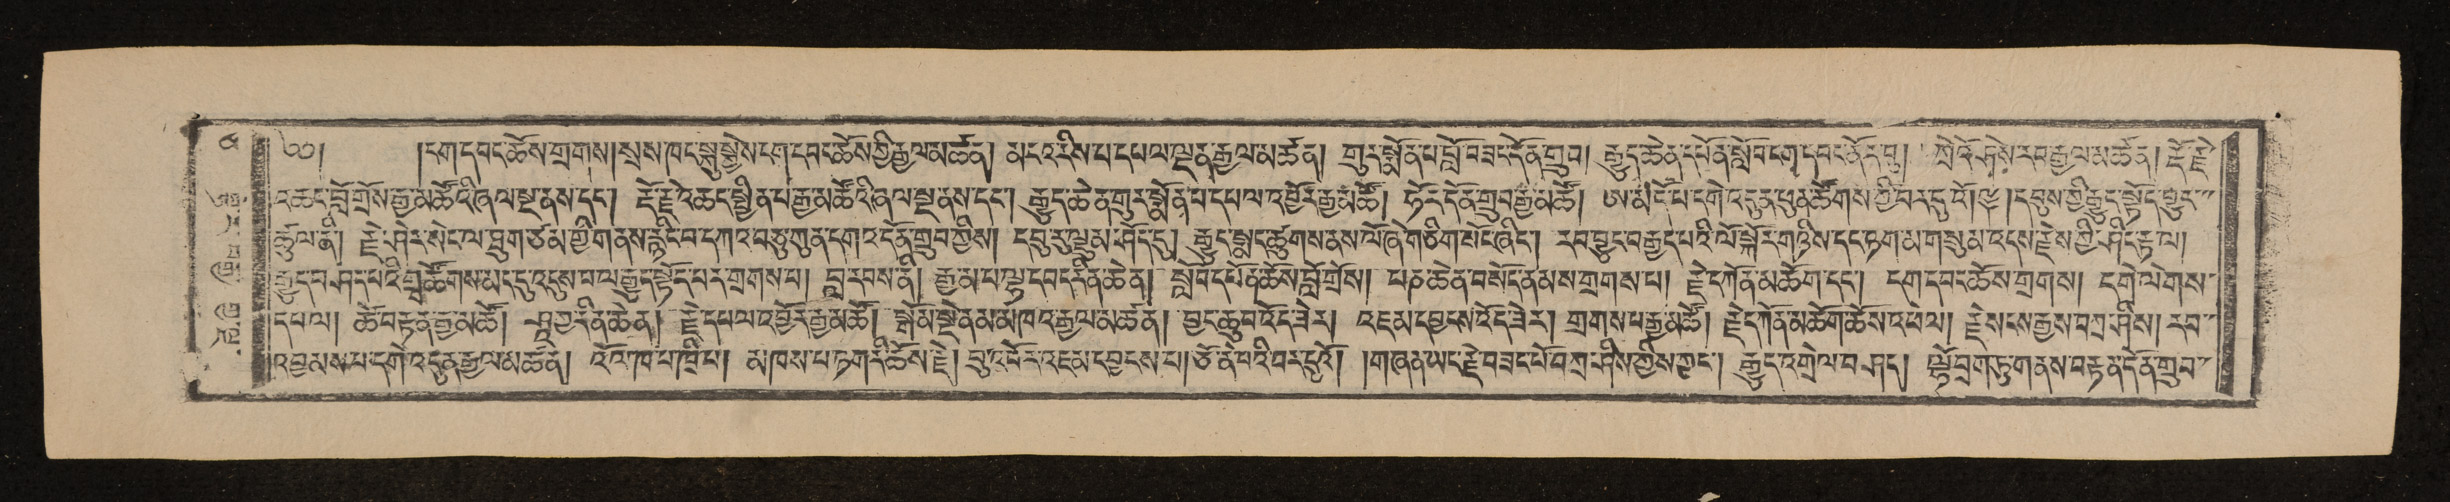༄༅། །ངག་དབང་ཆོས་གྲགས། སྲས་ཁང་སྐུ་སྐྱེས་ངག་དབང་ཆོས་ཀྱི་རྒྱལ་མཚན། མངའ་རིས་པ་དཔལ་ལྡན་རྒྱལ་མཚན། གུར་སྨོན་པ་བློ་བཟང་དོན་གྲུབ། རྒྱུད་ཆེན་དཔོན་སློབ་ངག་དབང་ནོར་བུ། ཀྲེའོ་ཤེས་རབ་རྒྱལ་མཚན། རྡོ་རྗེ་
འཆང་བློ་གྲོས་རྒྱ་མཚོའི་ཞལ་སྔ་ནས་དང་། རྡོ་རྗེ་འཆང་སྦྱིན་པ་རྒྱ་མཚོའི་ཞལ་སྔ་ནས་དང་། རྒྱུད་ཆེན་གུར་སྨོན་པ་དཔལ་འབྱོར་རྒྱ་མཚོ། ཧོར་དོན་གྲུབ་རྒྱ་མཚོ། ཨ་མདོ་པ་དགེ་འདུན་ཕུན་ཚོགས་ཀྱི་བར་དུའོ། ༈ །དབུས་ཀྱི་རྒྱུད་སྟོད་བྱུང་
ཚུལ་ནི། རྗེ་ཤེར་སེང་ལ་ཐུག་ཙམ་གྱི་གནས་རྙིང་བ་དཀའ་བཅུ་ཀུན་དགའ་དོན་གྲུབ་ཀྱིས། དབུ་རུ་ལྡུམ་ཤོད་དུ། རྒྱུད་སྨད་ཚུགས་ནས་ལོ་ཞེ་གཅིག་སོང་ཞིང་། རབ་བྱུང་བརྒྱད་བའི་ལོ་སྐོར་གཉིས་དང་ཉག་མ་གསུམ་འདས་རྗེས་ཀྱི་ཤིང་རྟ་ལ།
རྒྱུད་བཤད་བའི་གྲྭ་ཚོགས་མང་དུ་འདུས་པ་ལ་རྒྱུད་སྟོང་པར་གྲགས་པ། བླ་རབས་ནི། རྒྱ་མ་པ་ལྷ་དབང་རིན་ཆེན། སློབ་དཔོན་ཆོས་བློ་གྲོས། པཎ་ཆེན་བསོད་ནམས་གྲགས་པ། རྗེ་དཀོན་མཆོག་དར། ངག་དབང་ཆོས་གྲགས། དགེ་ལེགས་
དཔལ། ཚེ་བརྟན་རྒྱ་མཚོ། ཤཱཀྱ་རིན་ཆེན། རྗེ་དཔལ་འབྱོར་རྒྱ་མཚོ། སྒོམ་སྡེ་ནམ་མཁའ་རྒྱལ་མཚན། བྱང་ཆུབ་འོད་ཟེར། འཇམ་དབྱངས་འོད་ཟེར། གྲགས་པ་རྒྱ་མཚོ། ཆེ་དཀོན་མཆོག་ཆོས་འཕེལ། རྗེ་སངས་རྒྱས་བཀྲ་ཤིས། རབ་
འབྱམས་པ་དགེ་འདུན་རྒྱལ་མཚན། འོལ་ཁ་པ་ཁྲི་བ། མཁས་པ་ཉག་རི་ཆོས་རྗེ། བུ་འབོར་འཇམ་དབྱངས་པ། ཅོ་ནེ་བའི་བར་དུའོ། །གཞན་ཡང་རྗེ་བཟང་པོ་བཀྲ་ཤིས་ཀྱིས་ཀྱང་། རྒྱུད་འགྲེལ་བཤད། ལྷོ་བྲག་ཏུ་གནས་བརྟན་དོན་གྲུབ་